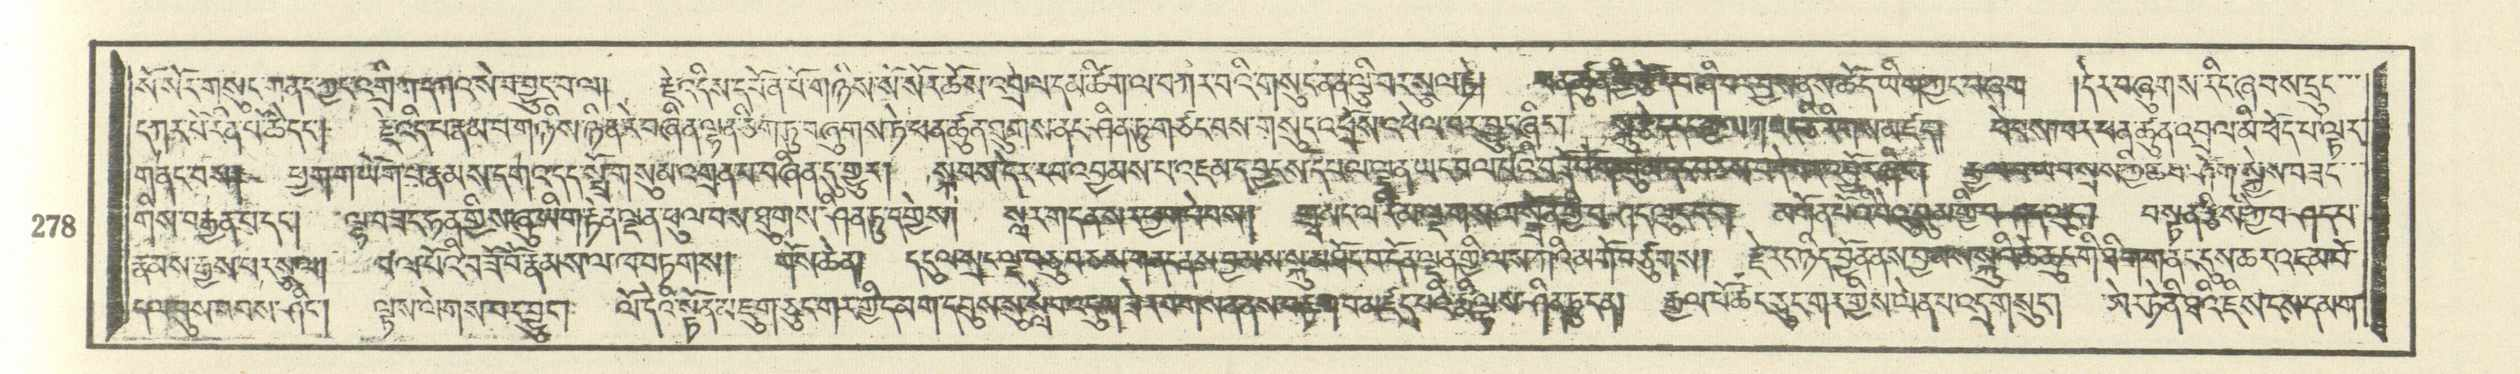སོ་སོར་གསུང་གནང་ཀྱང་འགྲིག་དཀའ་སེ་བ་བྱུང་བ་ལ། རྗེ་འདིས་དཔོན་པོ་གཉིས་སོ་སོར་ཆོས་འབྲེལ་དམ་ཚིག་ལ་བཀར་བའི་གསུང་ནན་ལྕི་བར་སྩལ་ཏེ། ཕན་ཚུན་གྱི་རྩོད་པ་ཞི་བར་བྱས་ནས་ཆོད་ཡིག་ཀྱང་བཞག །དེར་བཞུགས་རིང་ཞབས་དྲུང་
དཀར་པོ་རིན་པོ་ཆེ་དང་། རྗེ་འདི་པ་རྣམ་པ་གཉིས་ཉིན་རེ་བཞིན་ལྷན་ཅིག་ཏུ་བཞུགས་ཏེ་ཕན་ཚུན་ཐུགས་ནང་ཤིན་ཏུ་གཙང་བས་གསུང་འཕྲོས་འཕེལ་བར་བྱུང་ཞིང་། སྐུ་རྩེད་དང་ཀྱལ་ཀ་འང་ཅི་རིགས་མཛད། ཕེབས་ཁར་ཕན་ཚུན་འབྲལ་མི་ཕོད་པ་ལྟར་
གནང་བས། ཕྱག་གཡོག་པ་རྣམས་དགའ་དད་སྤྲོ་གསུམ་འགྲན་པ་བཞིན་དུ་གྱུར། སྐབས་དེར་རབ་འབྱམས་པ་འཇམ་དབྱངས་དཔལ་ལྡན་ཡང་བལ་པོའི་བཟོ་བོ་གསུམ་དང་བཅས་བདེ་བར་འབྱོར་ཞིང་། རྒྱལ་བ་ཡབ་སྲས་ཀྱི་ཆབ་ཤོག་སྐྱེས་བཟང་
གིས་བརྒྱན་པ་དང་། ལྷ་བཟང་ཧན་གྱིས་ཞུ་ཡིག་རྟེན་ལྡན་ཕུལ་བས་ཐུགས་ཤིན་ཏུ་དགྱེས། སླར་གདན་སར་ཕྱག་ཕེབས། གྲྭ་མང་ལ་རིམ་ལྔ་གསལ་སྒྲོན་གྱི་བཤད་ལུང་དང་། མགོན་པོའི་བེའུ་བུམ་གྱི་བཤད་ལུང་། བསྟན་རྩིས་ཀྱི་བཤད་པ་
རྣམས་རྒྱས་པར་སྩལ། བལ་པོའི་བཟོ་བོ་རྣམས་ལ་ཁ་བཏགས། གོས་ཆེན། དངུལ་སྲང་ལྔ་བཅུ་བཅས་གནང་ནས་བྱམས་སྐུ་མཐོང་བ་དོན་ལྡན་གྱི་ལས་ཀའི་མགོ་བཙུགས། རྗེ་རང་ཉིད་བྱོན་ནས་བྱམས་སྐུའི་ཆེ་ཆུང་གི་ཐིག་གནང་དུས་ཆར་འཇམ་པོ་
དལ་བུས་བབས་ཤིང་། ལྟས་ལེགས་པར་བྱུང་། ལོ་དེའི་སྟོན་མཇུག་ཅུང་གར་གྱི་དམག་དབུས་སུ་སླེབ་འདུག་ཟེར་བ་གསན་ནས་བརྟག་པ་མཛད་པའི་རྨི་ལྟས་ཤིན་ཏུ་ངན། རྒྱལ་པོ་ཚང་ཅུང་གར་གྱིས་ལེན་པ་འདྲ་གསུང་། ཨེར་ཏེ་ནི་ཐའི་ཇིས་ངས་དམག་